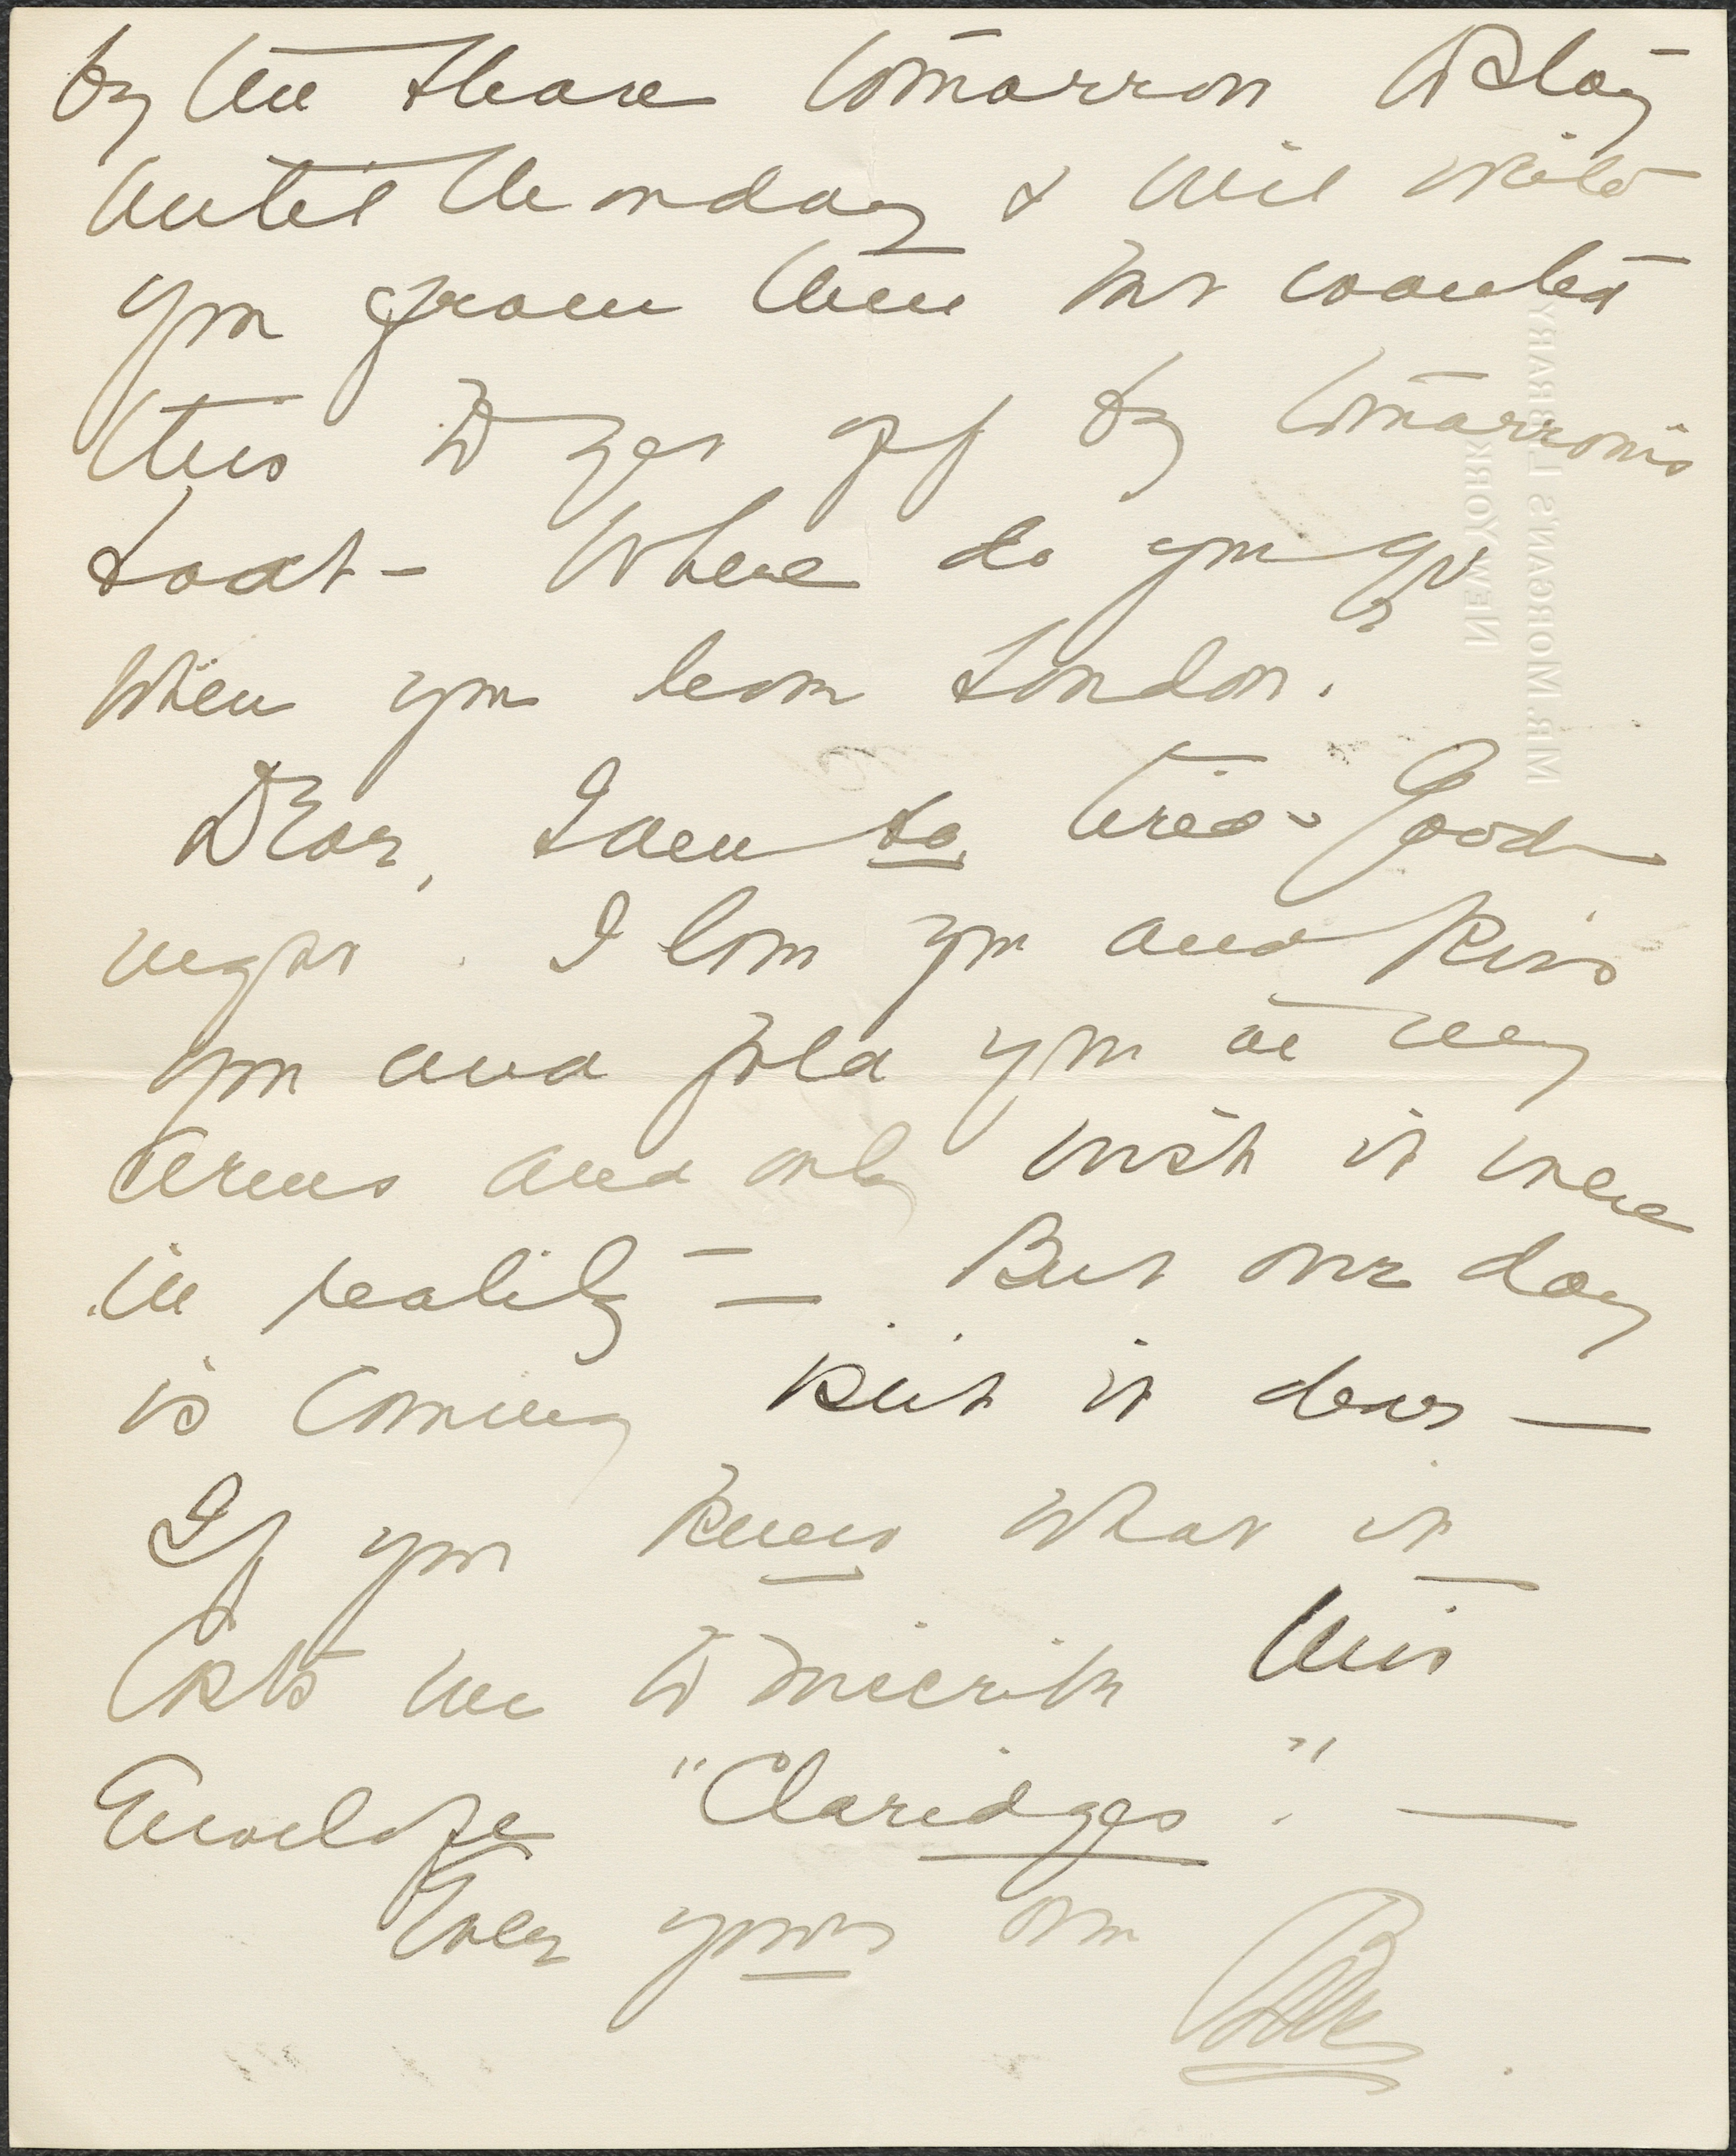by the shore tomorrow to stay until Monday & will write you from there but wanted this to get off by tomorrow’s boat – Where do you go when you leave London?
Dear, I am so tired – Good night. I love you and kiss you and fold you in my arms and only wish it were in reality – But our day is coming isn’t it dear –
If you knew what it costs me to inscribe this envelope “Claridges.” –
Ever your own [double underlined: Belle].